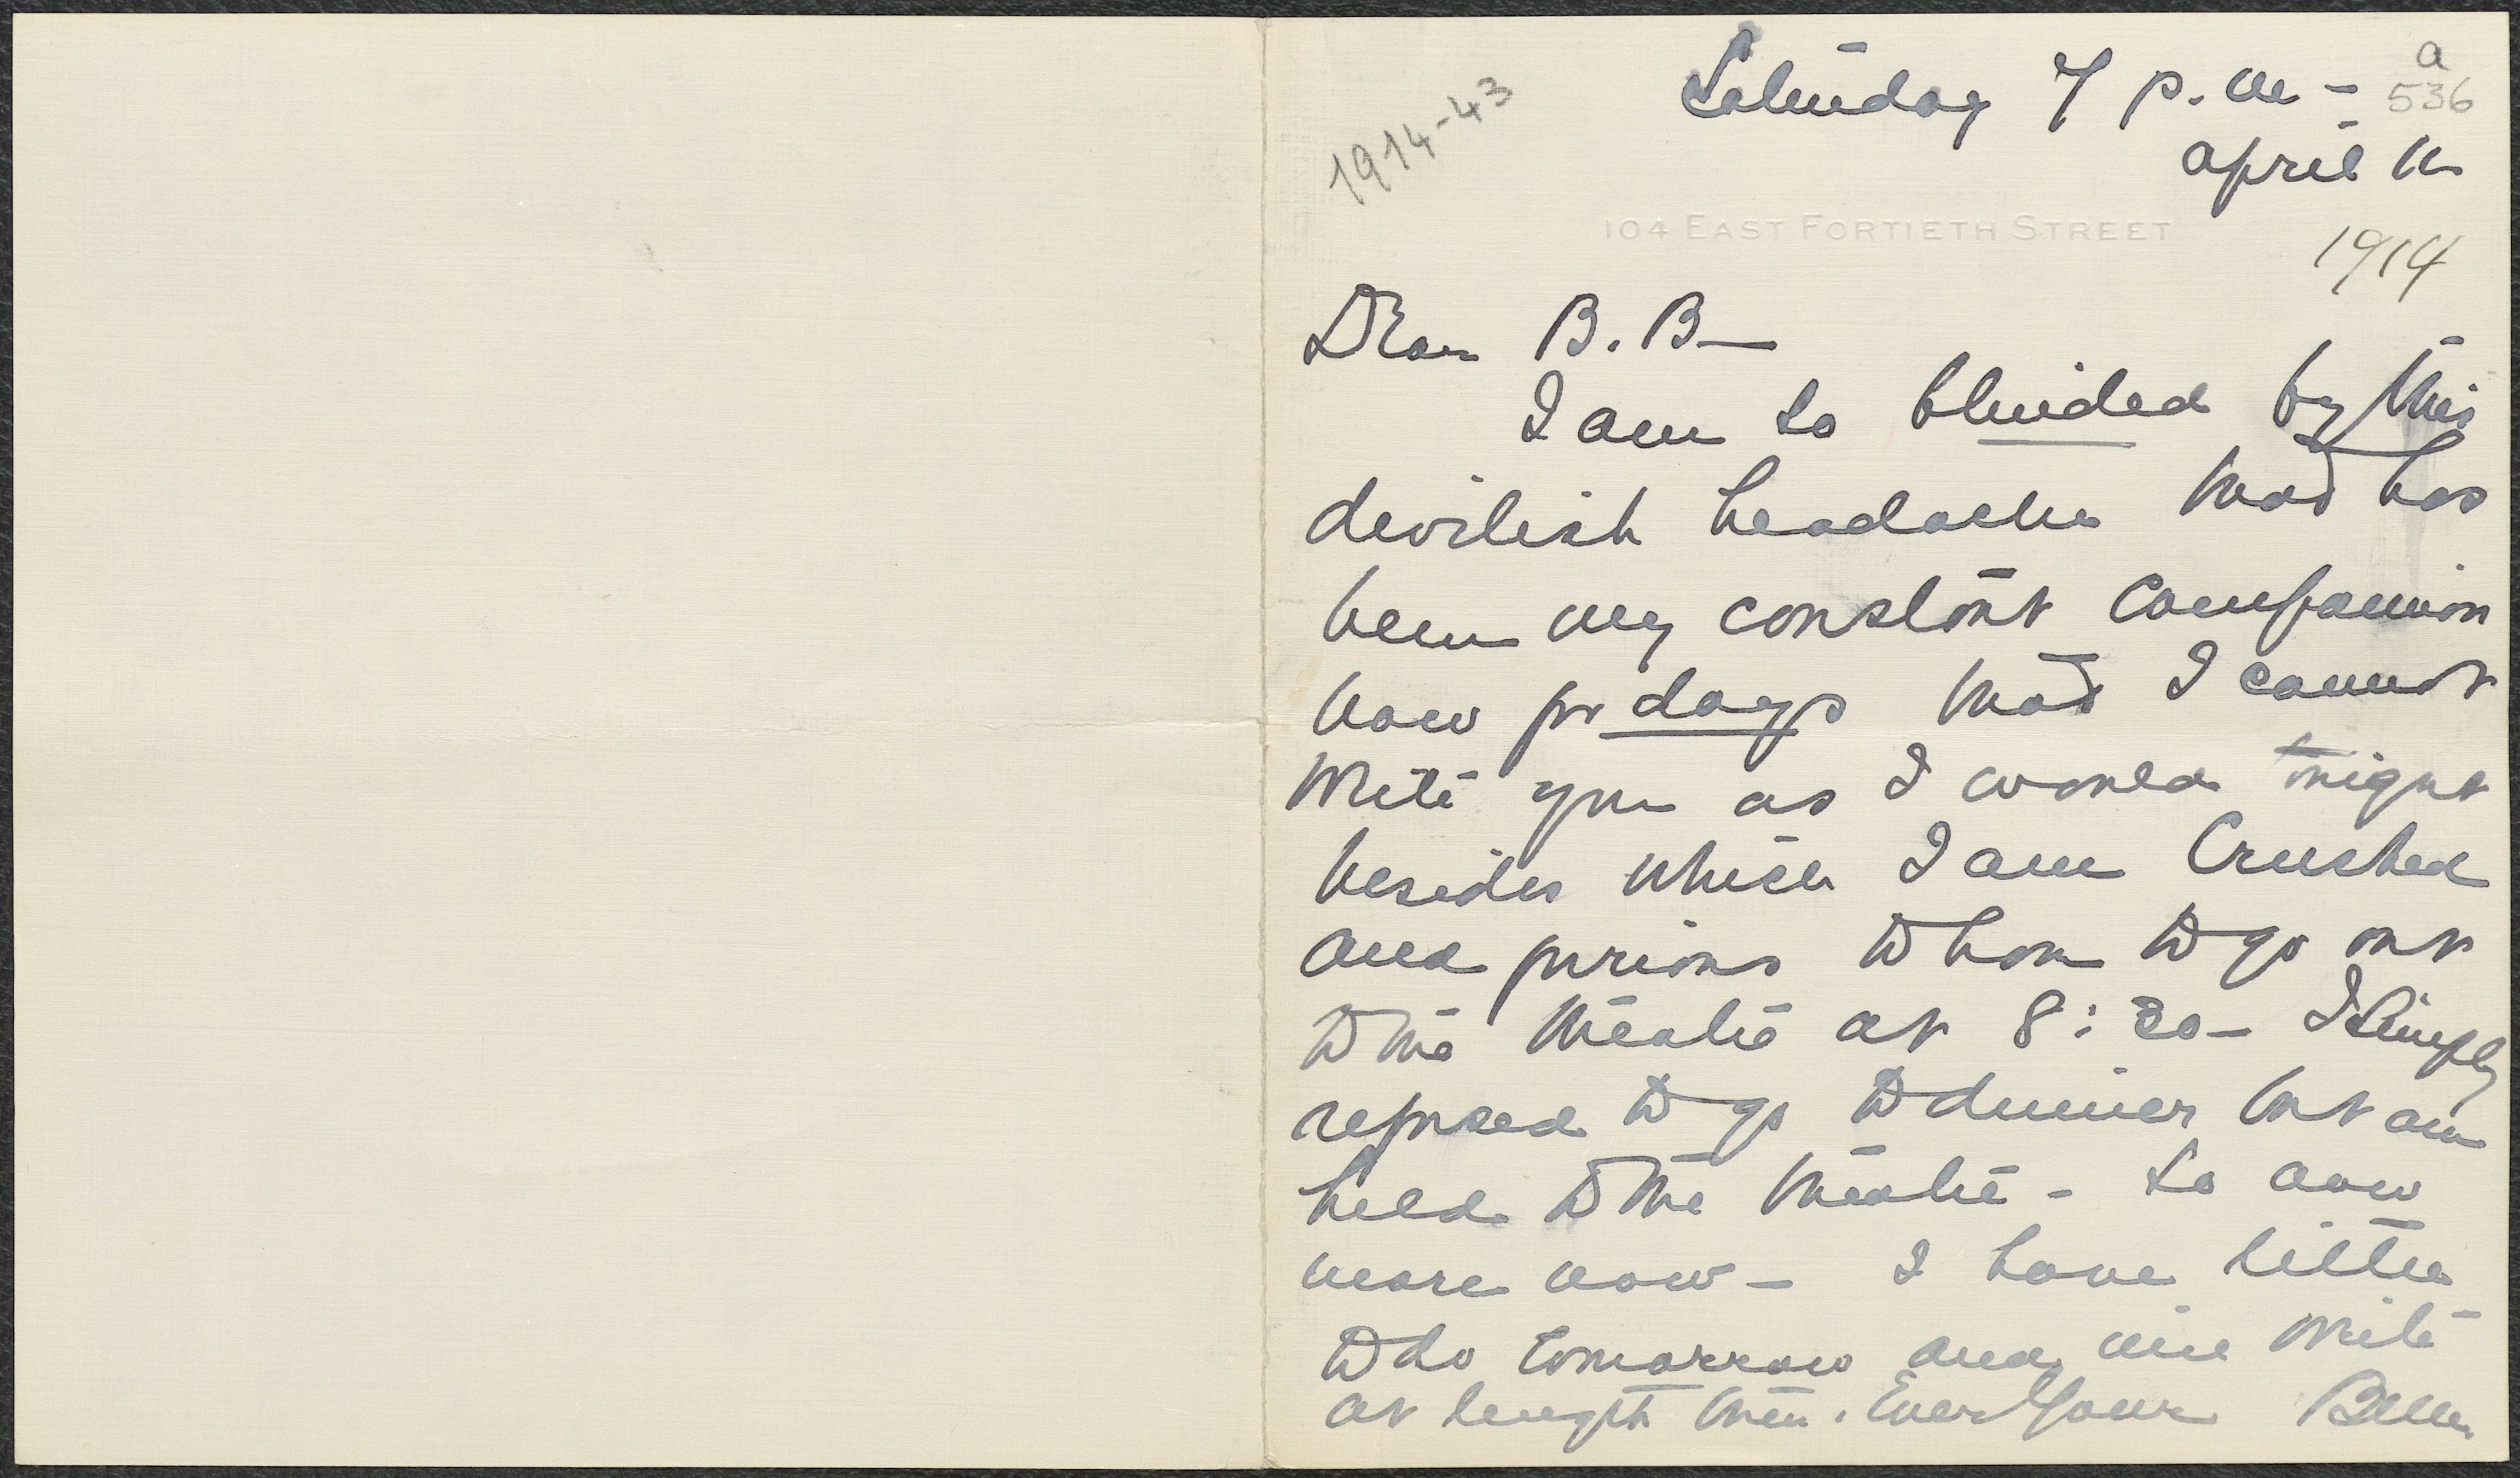Saturday 7 p.m –
April 11
Dear B.B –
I am so blinded by this devilish headache that has been my constant companion now for days that I cannot write you as I would tonight besides which I am crushed and furious to have to go out to the theatre at 8:30 – I simply refused to go to dinner but am held to the theatre – so now [sic] more now — I have little to do tomorrow and will write at length then. Ever Your Belle